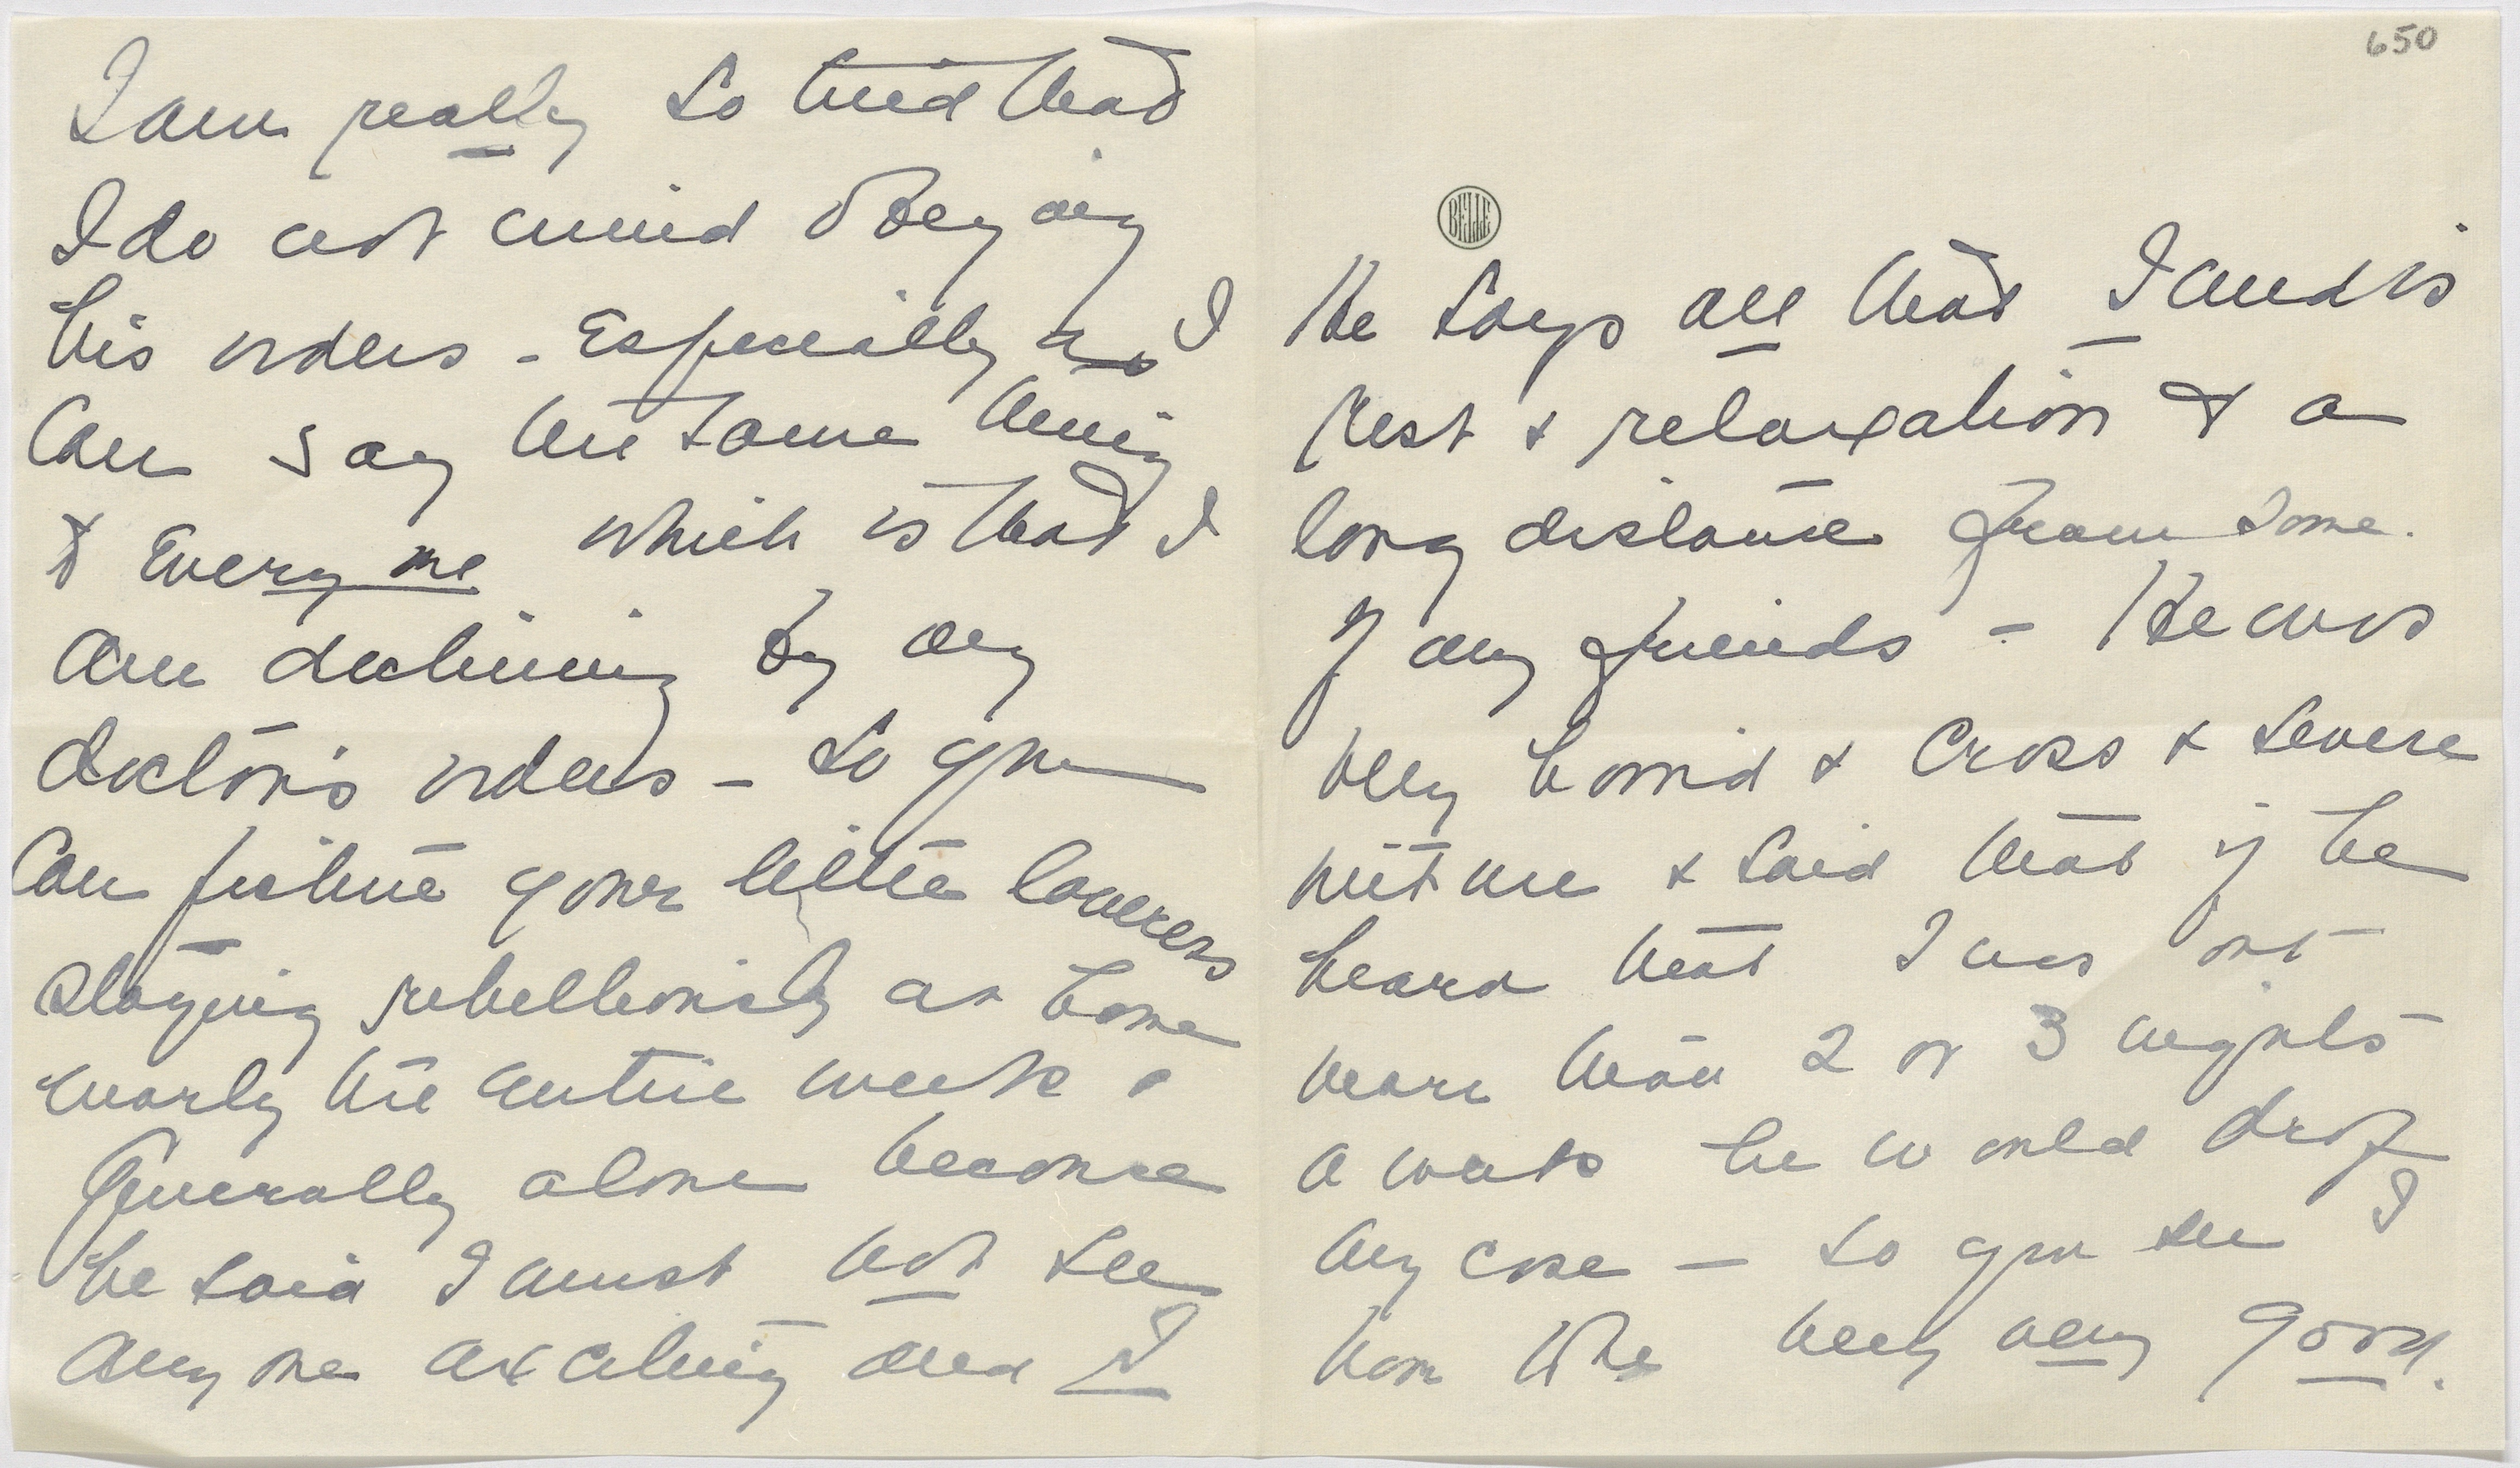He says all that I need is rest & relaxation & a long distance from some of my friends – He was very horrid & cross & severe with me & said that if he heard that I was out more than 2 or 3 nights a week he would drop my case – so you see I have to be very good.
I am really so tired that I do not mind obeying his orders – especially as I can say the same thing to every one which is that I am declining by my doctor’s orders – so you can picture your little loveress staying rebelliously at home nearly the entire week generally alone because he said I must not see any one exciting and I